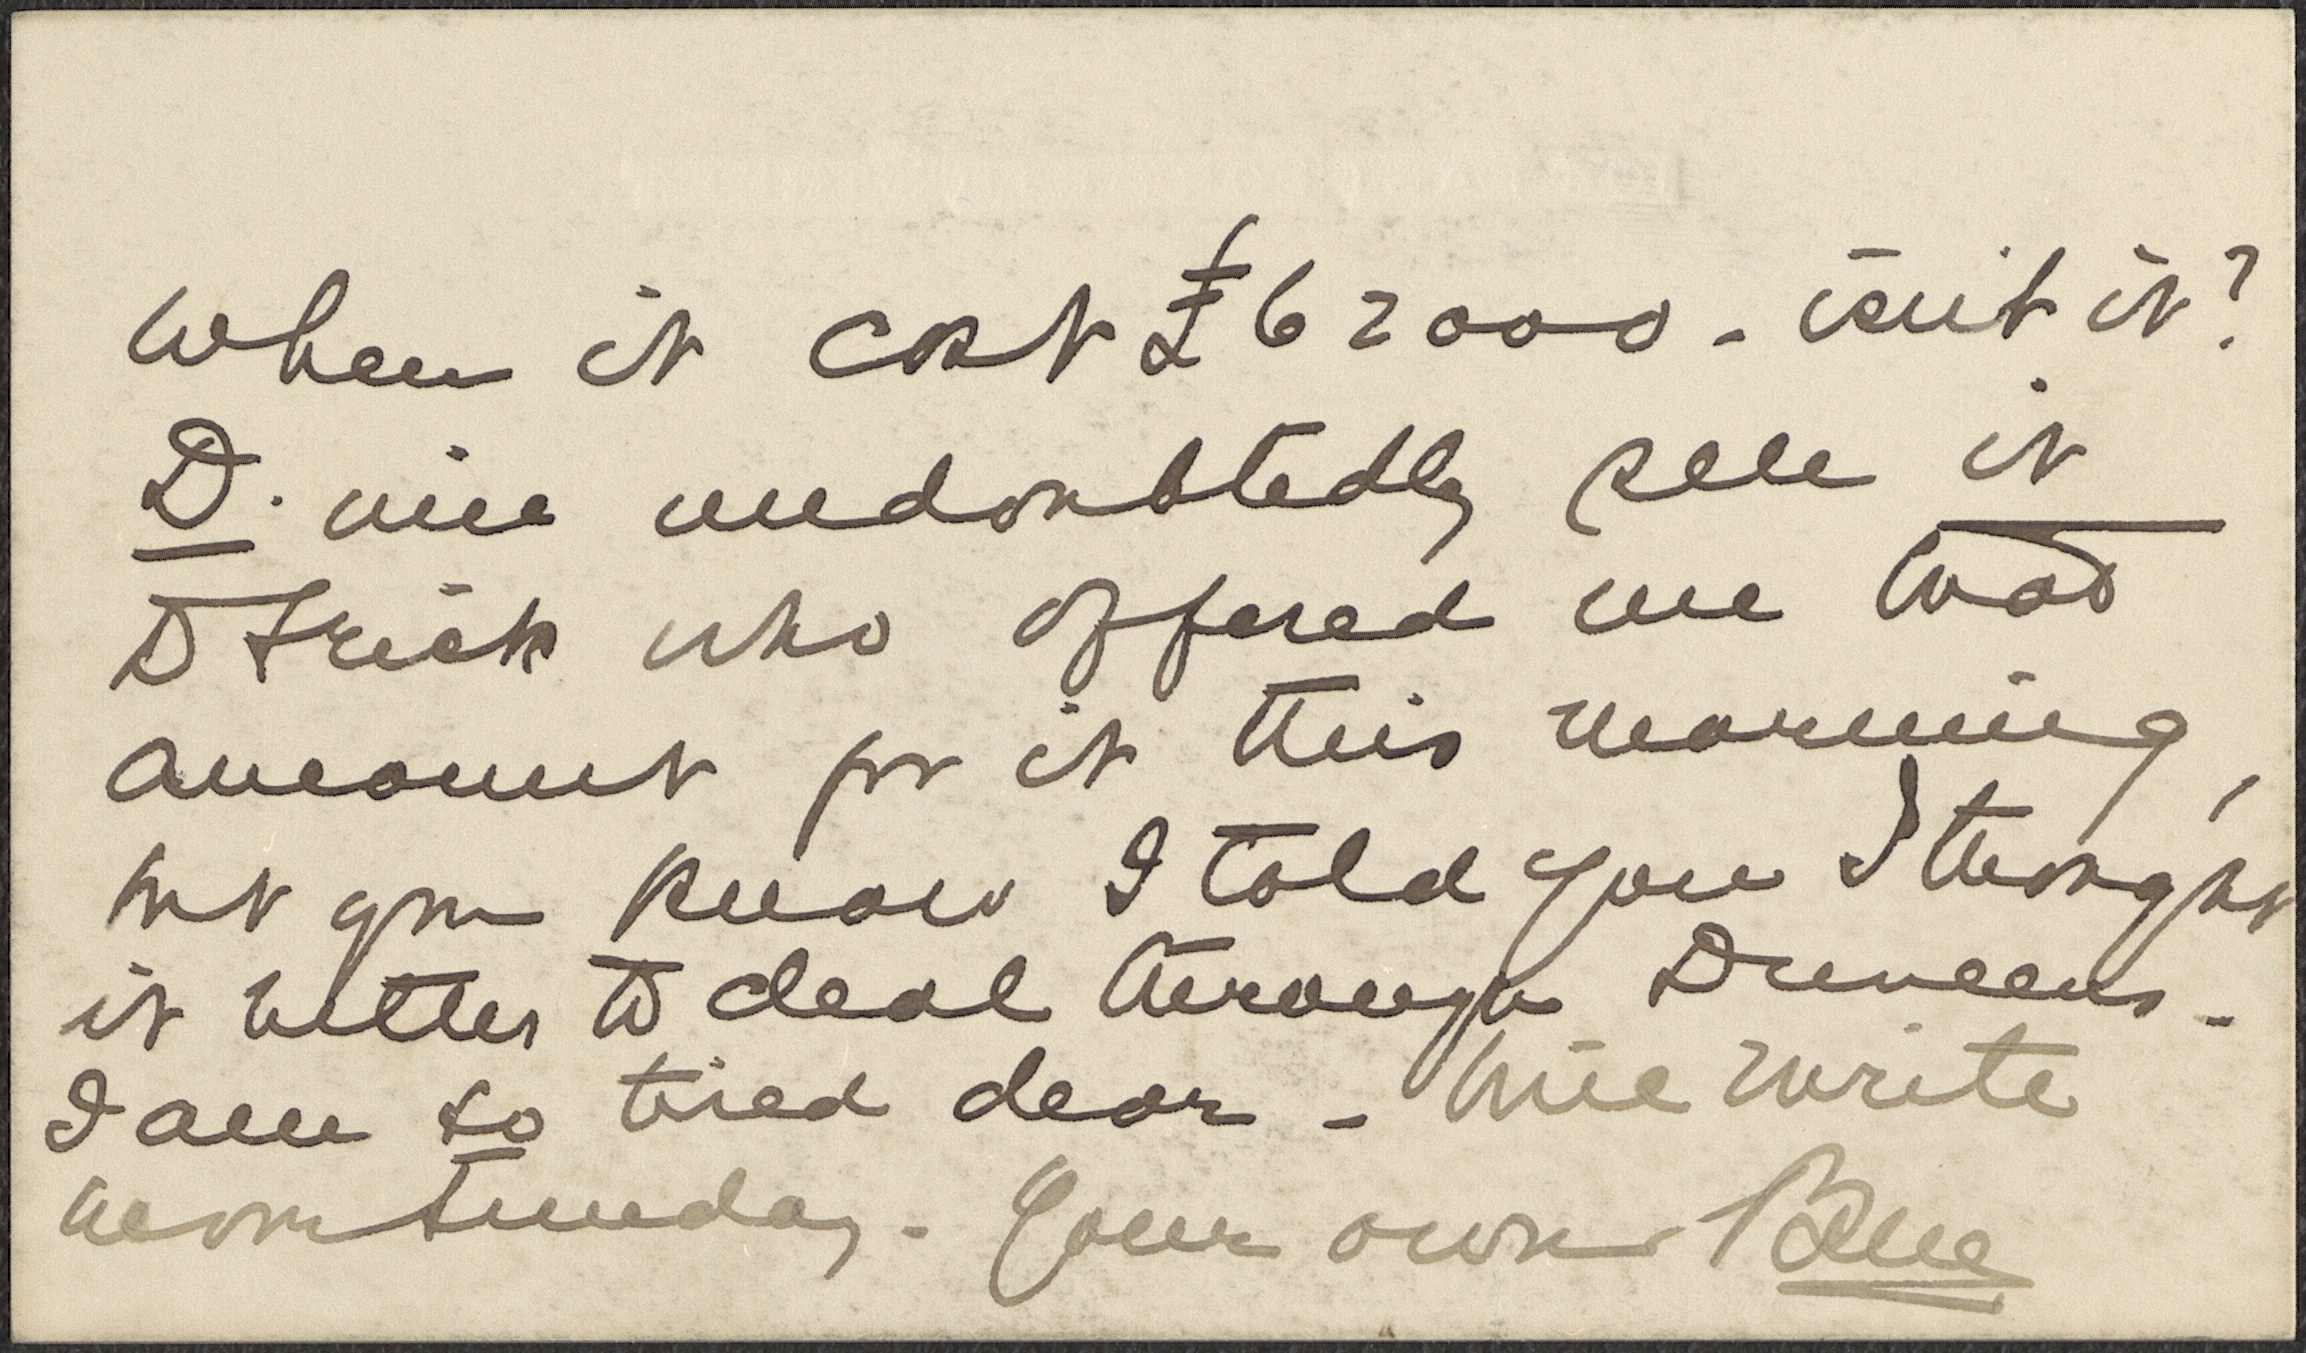when it cost £62000 – isn’t it? D. will undoubtedly sell it to Frick who offered me that amount for it this morning, but you know I told you I thought it better to deal through Duveens – I am so tired dear – Will write more Sunday – Your own [double underlined: Belle]